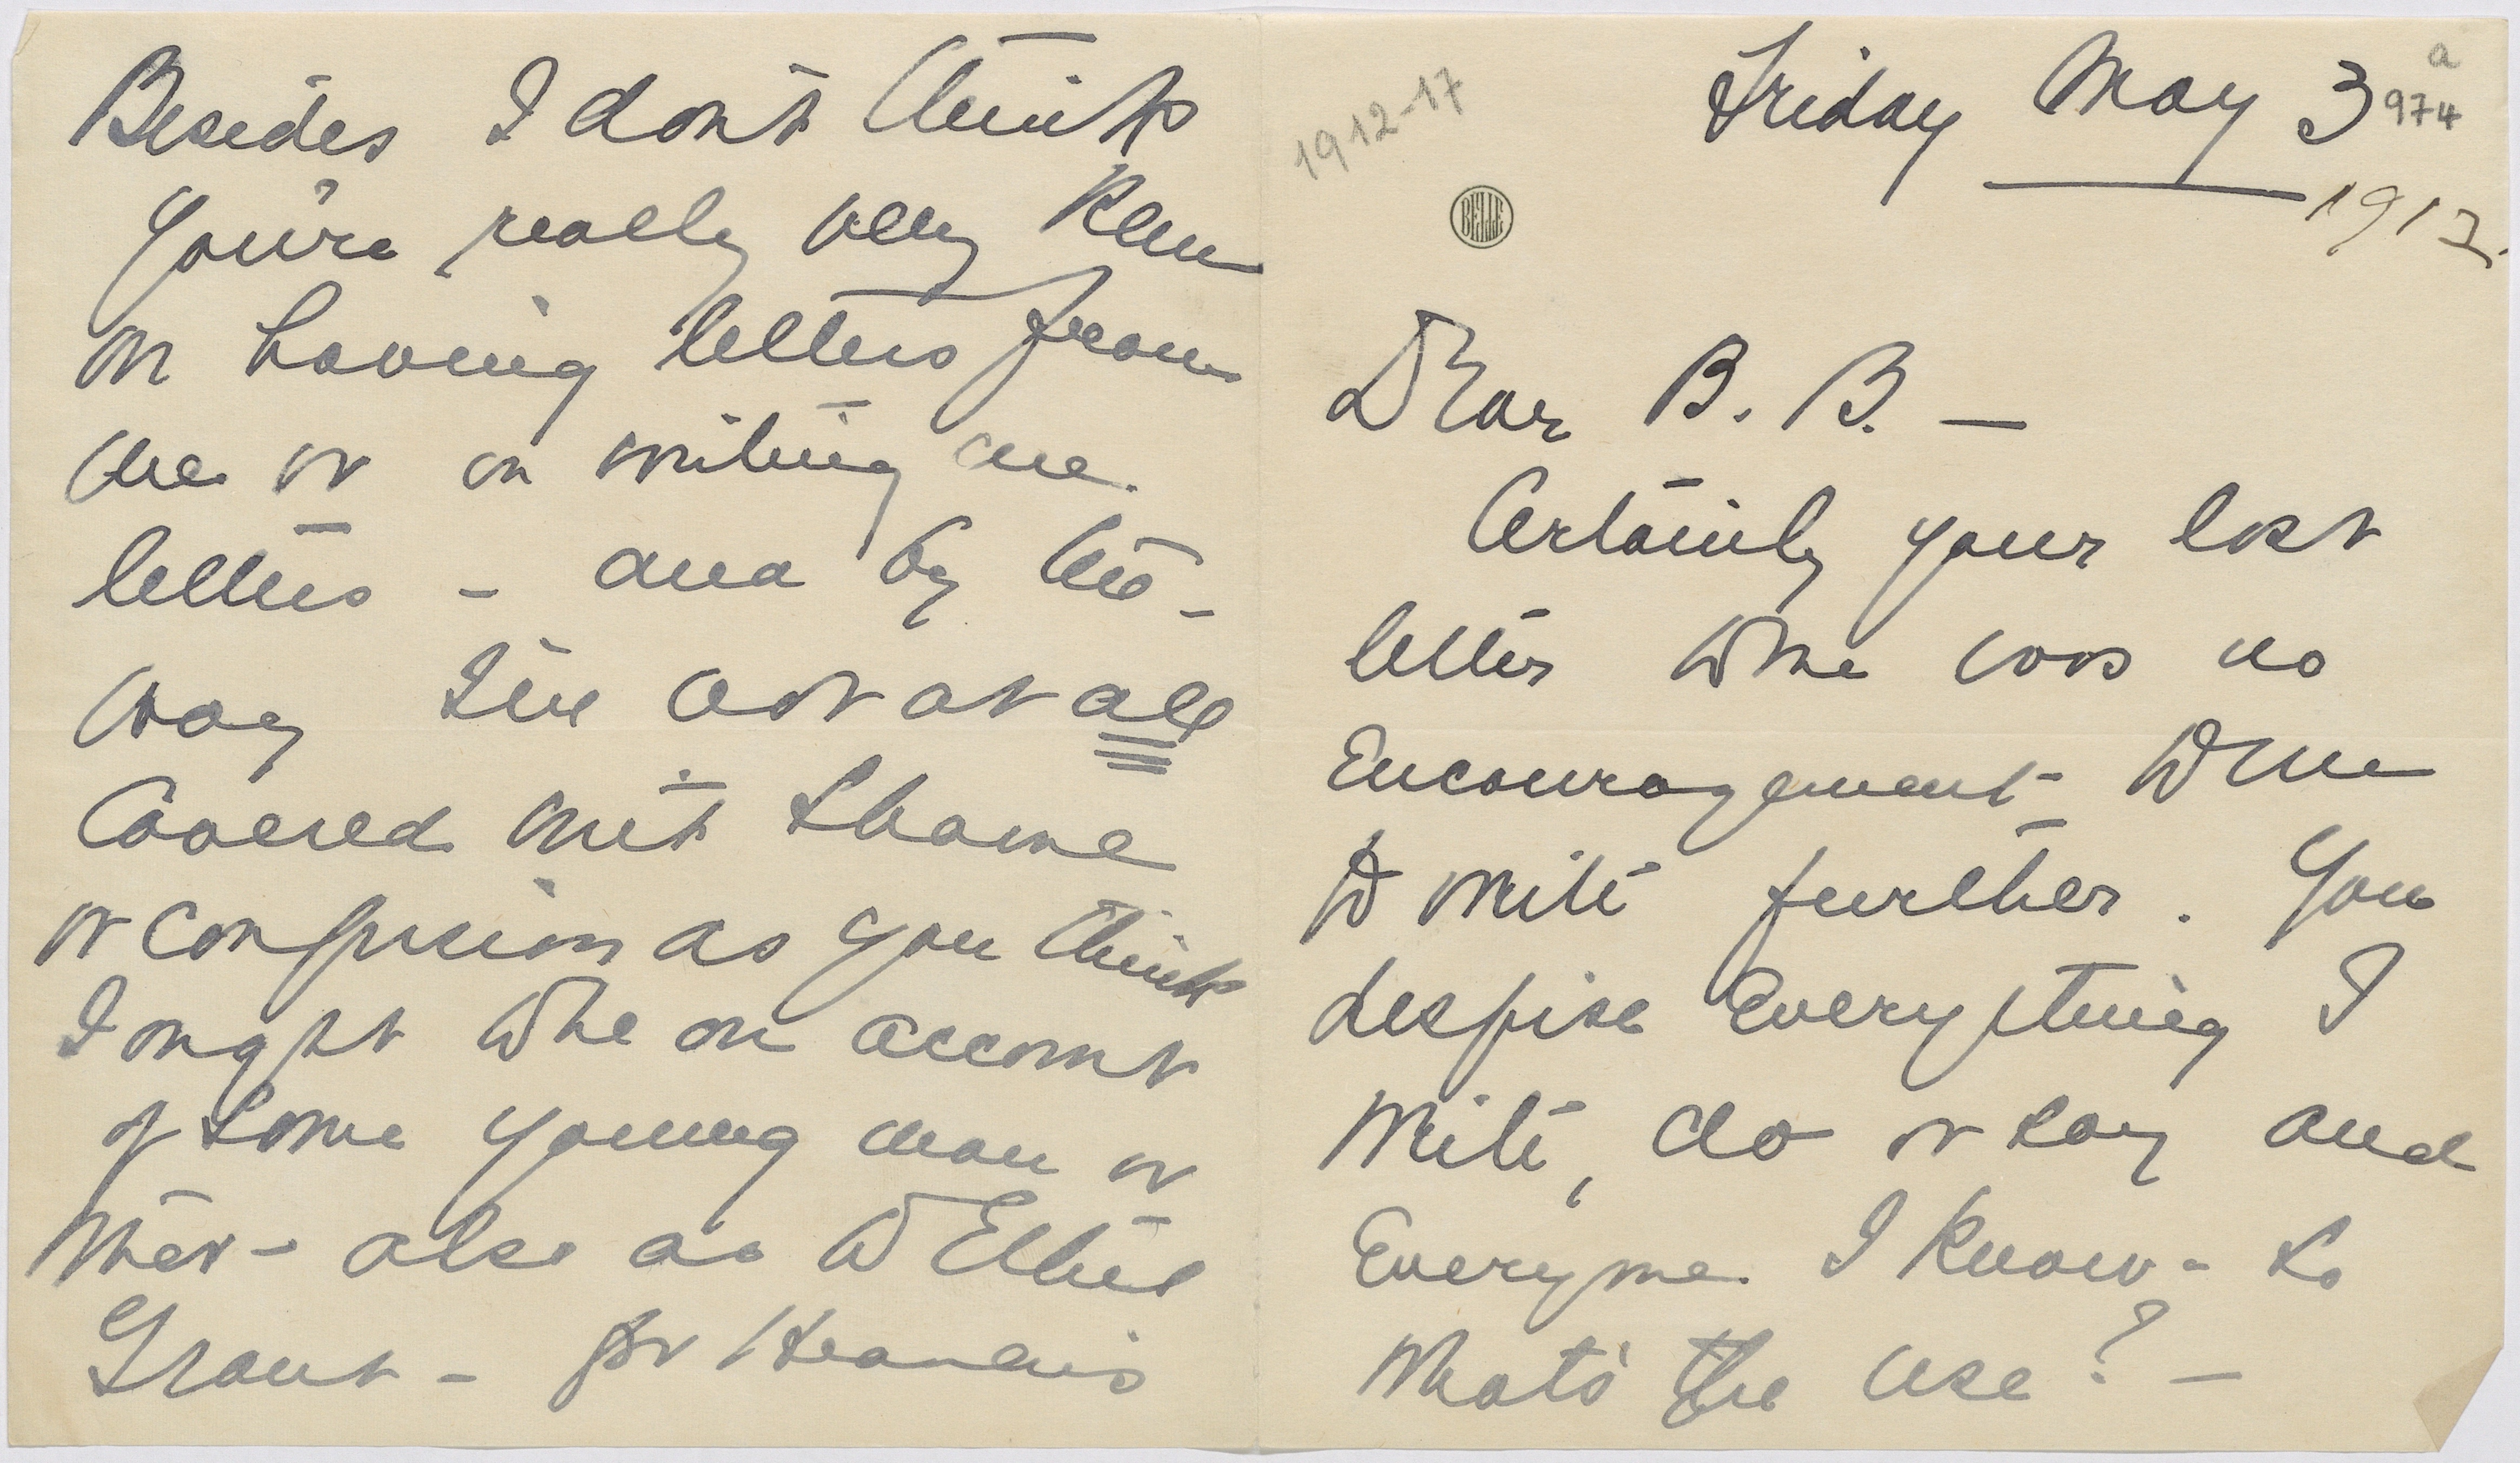Friday May 3
Dear B. B. –
Certainly your last letter to me was no encouragement to me to write further. You despise everything I write, do or say and everyone I know – so what’s the use? –
Besides I don’t think you’re really very keen on having letters from me or on writing me letters – and by the way I’m not at [triple underlined: all] covered with shame or confusion as you think I ought to be on account of some young man or other – also as to Ethel Grant – for Heaven’s